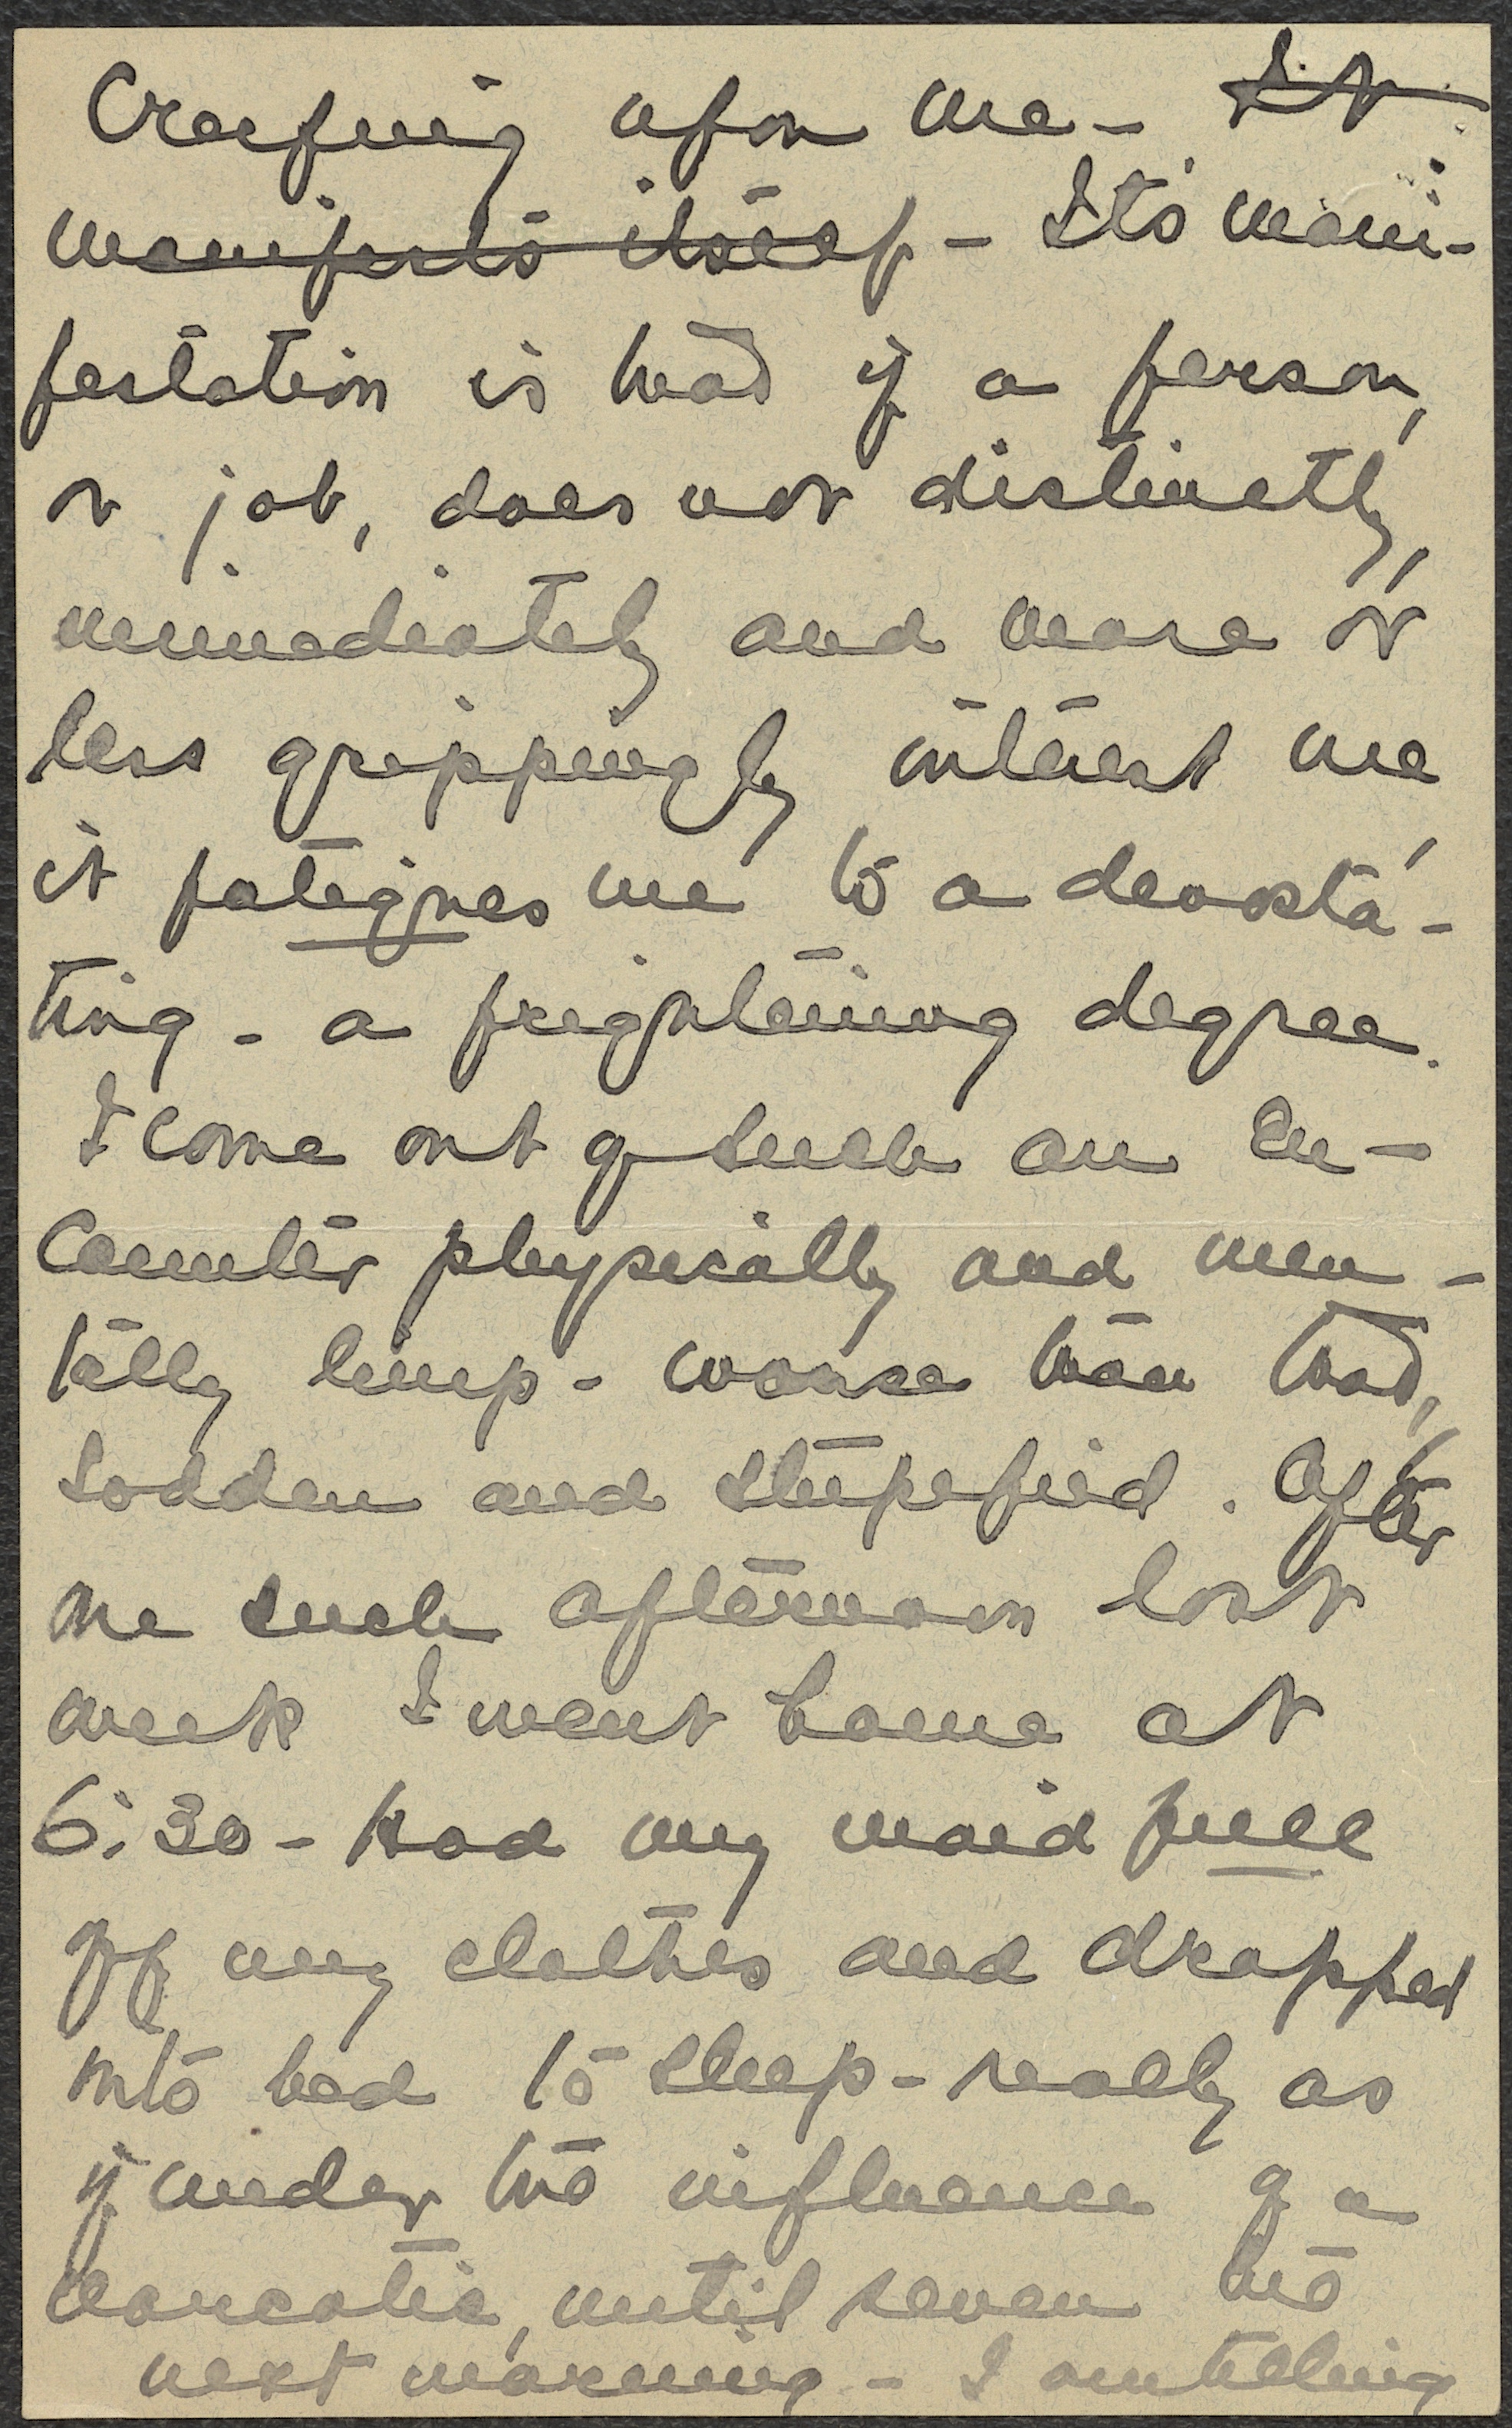creeping upon me – It manifests itself – It’s manifestation is that if a person, or job, does not distinctly, immediately and more or less grippingly interest me it fatigues me to a devastating – a frightening degree.
I came out of such an encounter physically and mentally limp – worse than that, sodden and stupefied. After one such afternoon last week I went home at 6:30 – had my maid pull off my clothes and dropped into bed to sleep – really as if under the influence of a narcotic, until seven the next morning – I am telling